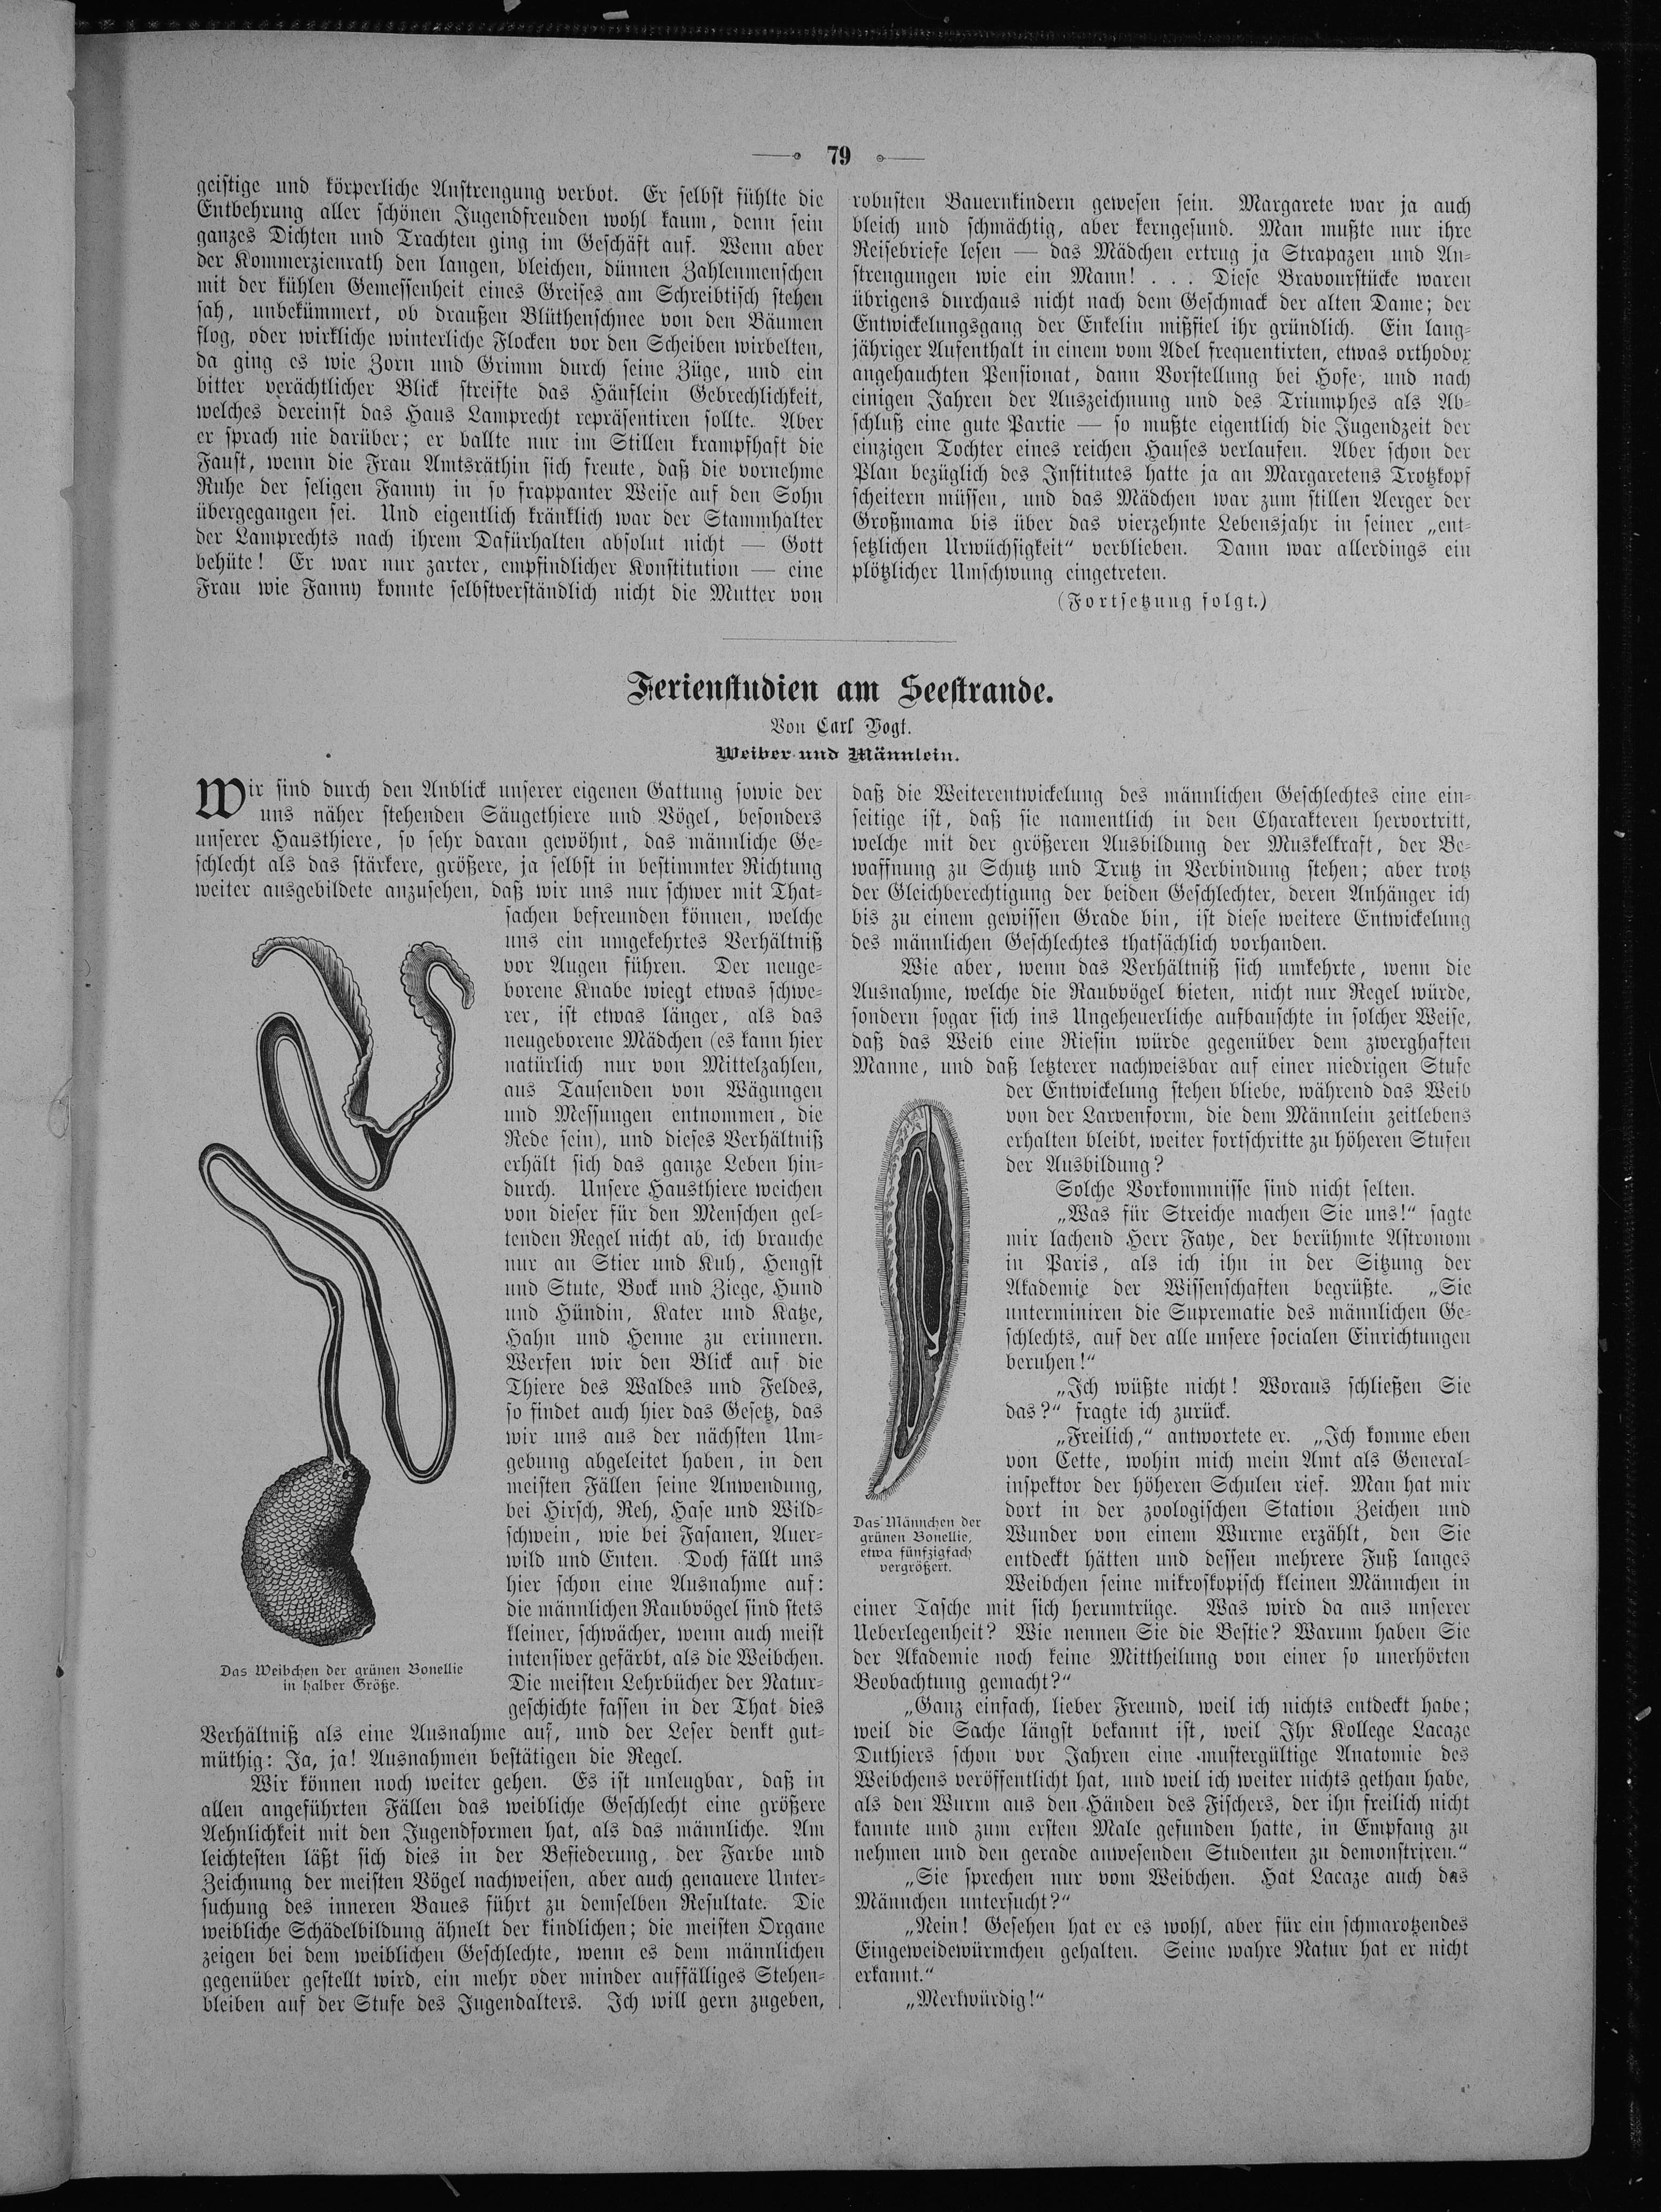geistige und körperliche Anstrengung verbot. Er selbst fühlte die Entbehrung aller schönen Jugendfreuden wohl kaum, denn sein ganzes Dichten und Trachten ging im Geschäft auf. Wenn aber der Kommerzienrath den langen, bleichen, dünnen Zahlenmenschen mit der kühlen Gemessenheit eines Greises am Schreibtisch stehen sah, unbekümmert, ob draußen Blüthenschnee von den Bäumen flog, oder wirkliche winterliche Flocken vor den Scherben wirbelten, da ging es wie Zorn und Grimm durch seine Züge, und ein bitter verächtlicher Blick streifte das Häuflein Gebrechlichkeit, welches dereinst das Haus Lamprecht repräsentiren sollte. Aber er sprach nie darüber; er ballte nur im Stillen krampfhaft die Faust, wenn die Frau Amtsräthin sich freute, daß die vornehme Ruhe der seligen Fanny in so frappanter Weise auf den Sohn übergegangen sei. Und eigentlich kränklich war der Stammhalter der Lamprechts nach ihrem Dafürhalten absolut nicht – Gott behüte! Er war nur zarter, empfindlicher Konstitution – eine Frau wie Fanny konnte selbstverständlich nicht die Mutter von robusten Bauernkindern gewesen sein. Margarete war ja auch bleich und schmächtig, aber kerngesund. Man mußte nur ihre Reisebriefe lesen – das Mädchen ertrug ja Strapazen und Anstrengungen wie ein Mann! ... Diese Bravourstücke waren übrigens durchaus nicht nach dem Geschmack der alten Dame; der Entwickelungsgang der Enkelin mißfiel ihr gründlich. Ein langjähriger Aufenthalt in einem vom Adel frequentirten, etwas orthodox angehauchten Pensionat, dann Vorstellung bei Hofe, und nach einigen Jahren der Auszeichnung und des Triumphes als Abschluß eine gute Partie – so mußte eigentlich die Jugendzeit der einzigen Tochter eines reichen Hauses verlaufen. Aber schon der Plan bezüglich des Institutes hatte ja an Margaretens Trotzkopf scheitern müssen, und das Mädchen war zum stillen Aerger der Großmama bis über das vierzehnte Lebensjahr in seiner „entsetzlichen Urwüchsigkeit“ verblieben. Dann war allerdings ein plötzlicher Umschwung eingetreten.

(Fortsetzung folgt.)

Ferienstudien am Seestrande.
Von Carl Vogt.
Weiber und Männlein.

Wir sind durch den Anblick unserer eigenen Gattung sowie der uns näher stehenden Säugethiere und Vögel, besonders unserer Hausthiere, so sehr daran gewöhnt, das männliche Geschlecht als das stärkere, größere, ja selbst in bestimmter Richtung weiter ausgebildete anzusehen, daß, wir uns nur schwer mit Thatsachen befreunden können, welche uns ein umgekehrtes Verhältniß vor Augen führen.
Das Weibchen der grünen Bonellie in halber Größe.
Der neugeborene Knabe wiegt etwas schwerer, ist etwas länger, als das neugeborene Mädchen (es kann hier natürlich nur von Mittelzahlen, aus Tausenden von Wägungen und Messungen entnommen, die Rede sein), und dieses Verhältniß erhält sich das ganze Leben hindurch. Unsere Hausthiere weichen von dieser für den Menschen geltenden Regel nicht ab, ich brauche nur an Stier und Kuh, Hengst und Stute, Bock und Ziege, Hund und Hündin, Kater und Katze, Hahn und Henne zu erinnern. Werfen wir den Blick auf die Thiere des Waldes und Feldes, findet auch hier das Gesetz, das wir uns aus der nächsten Umgebung abgeleitet haben, in den meisten Fällen seine Anwendung, bei Hirsch, Reh, Hase und Wildschwein, wie bei Fasanen, Auerwild und Enten. Doch fällt uns hier schon eine Ausnahme auf: die männliche Raubvögel sind stets kleiner, schwächer, wenn auch meist intensiver gefärbt, als die Weibchen. Die meisten Lehrbücher der Naturgeschichte fassen in der That dies Verhältniß als eine Ausnahme auf, und der Leser denkt gutmüthig: Ja, ja! Ausnahmen bestätigen die Regel.

Wir können noch weiter gehen. Es ist unleugbar, daß in allen angeführten Fällen das weibliche Geschlecht eine größere Aehnlichkeit mit den Jugendformen hat, als das männliche. Am leichtesten läßt sich dies in der Befiederung, der Farbe und Zeichnung der meisten Vögel nachweisen, aber auch genauere Untersuchung des inneren Baues führt zu demselben Resultate. Die weibliche Schädelbildung ähnelt der kindlichen; die meisten Organe zeigen bei dem weiblichen Geschlechte, wenn es dem männlichen gegenüber gestellt wird, ein mehr oder minder auffälliges Stehenbleiben auf der Stufe des Jugendalters. Ich will gern zugeben, daß die Weiterentwickelung des männlichen Geschlechtes eine einseitige ist, daß sie namentlich in den Charakteren hervortritt, welche mit der größeren Ausbildung der Muskelkraft, der Bewaffnung zu Schutz und Trutz in Verbindung stehen; aber trotz der Gleichberechtigung der beiden Geschlechter, deren Anhänger ich bis zu einem gewissen Grade bin, ist diese weitere Entwickelung des männlichen Geschlechtes thatsächlich vorhanden.

Wie aber, wenn das Verhältniß sich umkehrte, wenn die Ausnahme, welche die Raubvögel bieten, nicht nur Regel würde, sondern sogar sich ins Ungeheuerliche aufbauschte in solcher Weise, daß das Weib eine Riesin würde gegenüber dem zwerghaften Manne, und daß letzterer nachweisbar auf einer niedrigen Stufe der Entwickelung stehen bliebe, während das Weib von der Larvenform, die dem Männlein zeitlebens erhalten bleibt, weiter fortschritte zu höheren Stufen der Ausbildung?
Das Männchen der grünen Bonellie, etwa fünfzigfach vergrößert.

Solche Vorkommnisse sind nicht selten.

„Was für Streiche machen Sie uns!“ sagte mir lachend Herr Faye, der berühmte Astronom in Paris, als ich ihn in der Sitzung der Akademie der Wissenschaften begrüßte. „Sie unterminiren die Suprematie des männlichen Geschlechts, auf der alle unsere socialen Einrichtungen beruhen!“

„Ich wüßte nicht! Woraus schließen Sie das?“ fragte ich zurück.

„Freilich,“ antwortete er. „Ich komme eben von Cette, wohin mich mein Amt als Generalinspektor der höheren Schulen rief. Man hat mir dort in der zoologischen Station Zeichen und Wunder von einem Wurme erzählt, den Sie entdeckt hätten und dessen mehrere Fuß langes Weibchen seine mikroskopisch kleinen Männchen in einer Tasche mit sich herumtrüge. Was wird da aus unserer Ueberlegenheit? Wie nennen Sie die Bestie? Warum haben Sie der Akademie noch keine Mittheilung von einer so unerhörten Beobachtung gemacht?“

„Ganz einfach, lieber Freund, weil ich nichts entdeckt habe; weil die Sache längst bekannt ist, weil Ihr Kollege Lacaze Duthiers schon vor Jahren eine mustergültige Anatomie des Weibchens veröffentlicht hat, und weil ich weiter nichts gethan habe, als den Wurm aus den Händen des Fischers, der ihn freilich nicht kannte und zum ersten Male gefunden hatte, in Empfang zu nehmen und den gerade anwesenden Studenten zu demonstriren.“

„Sie sprechen nur vom Weibchen. Hat Lacaze auch das Männchen untersucht?“

„Nein! Gesehen hat er es wohl, aber für ein schmarotzendes Eingeweidewürmchen gehalten. Seine wahre Natur hat er nicht erkannt.“

„Merkwürdig!“
